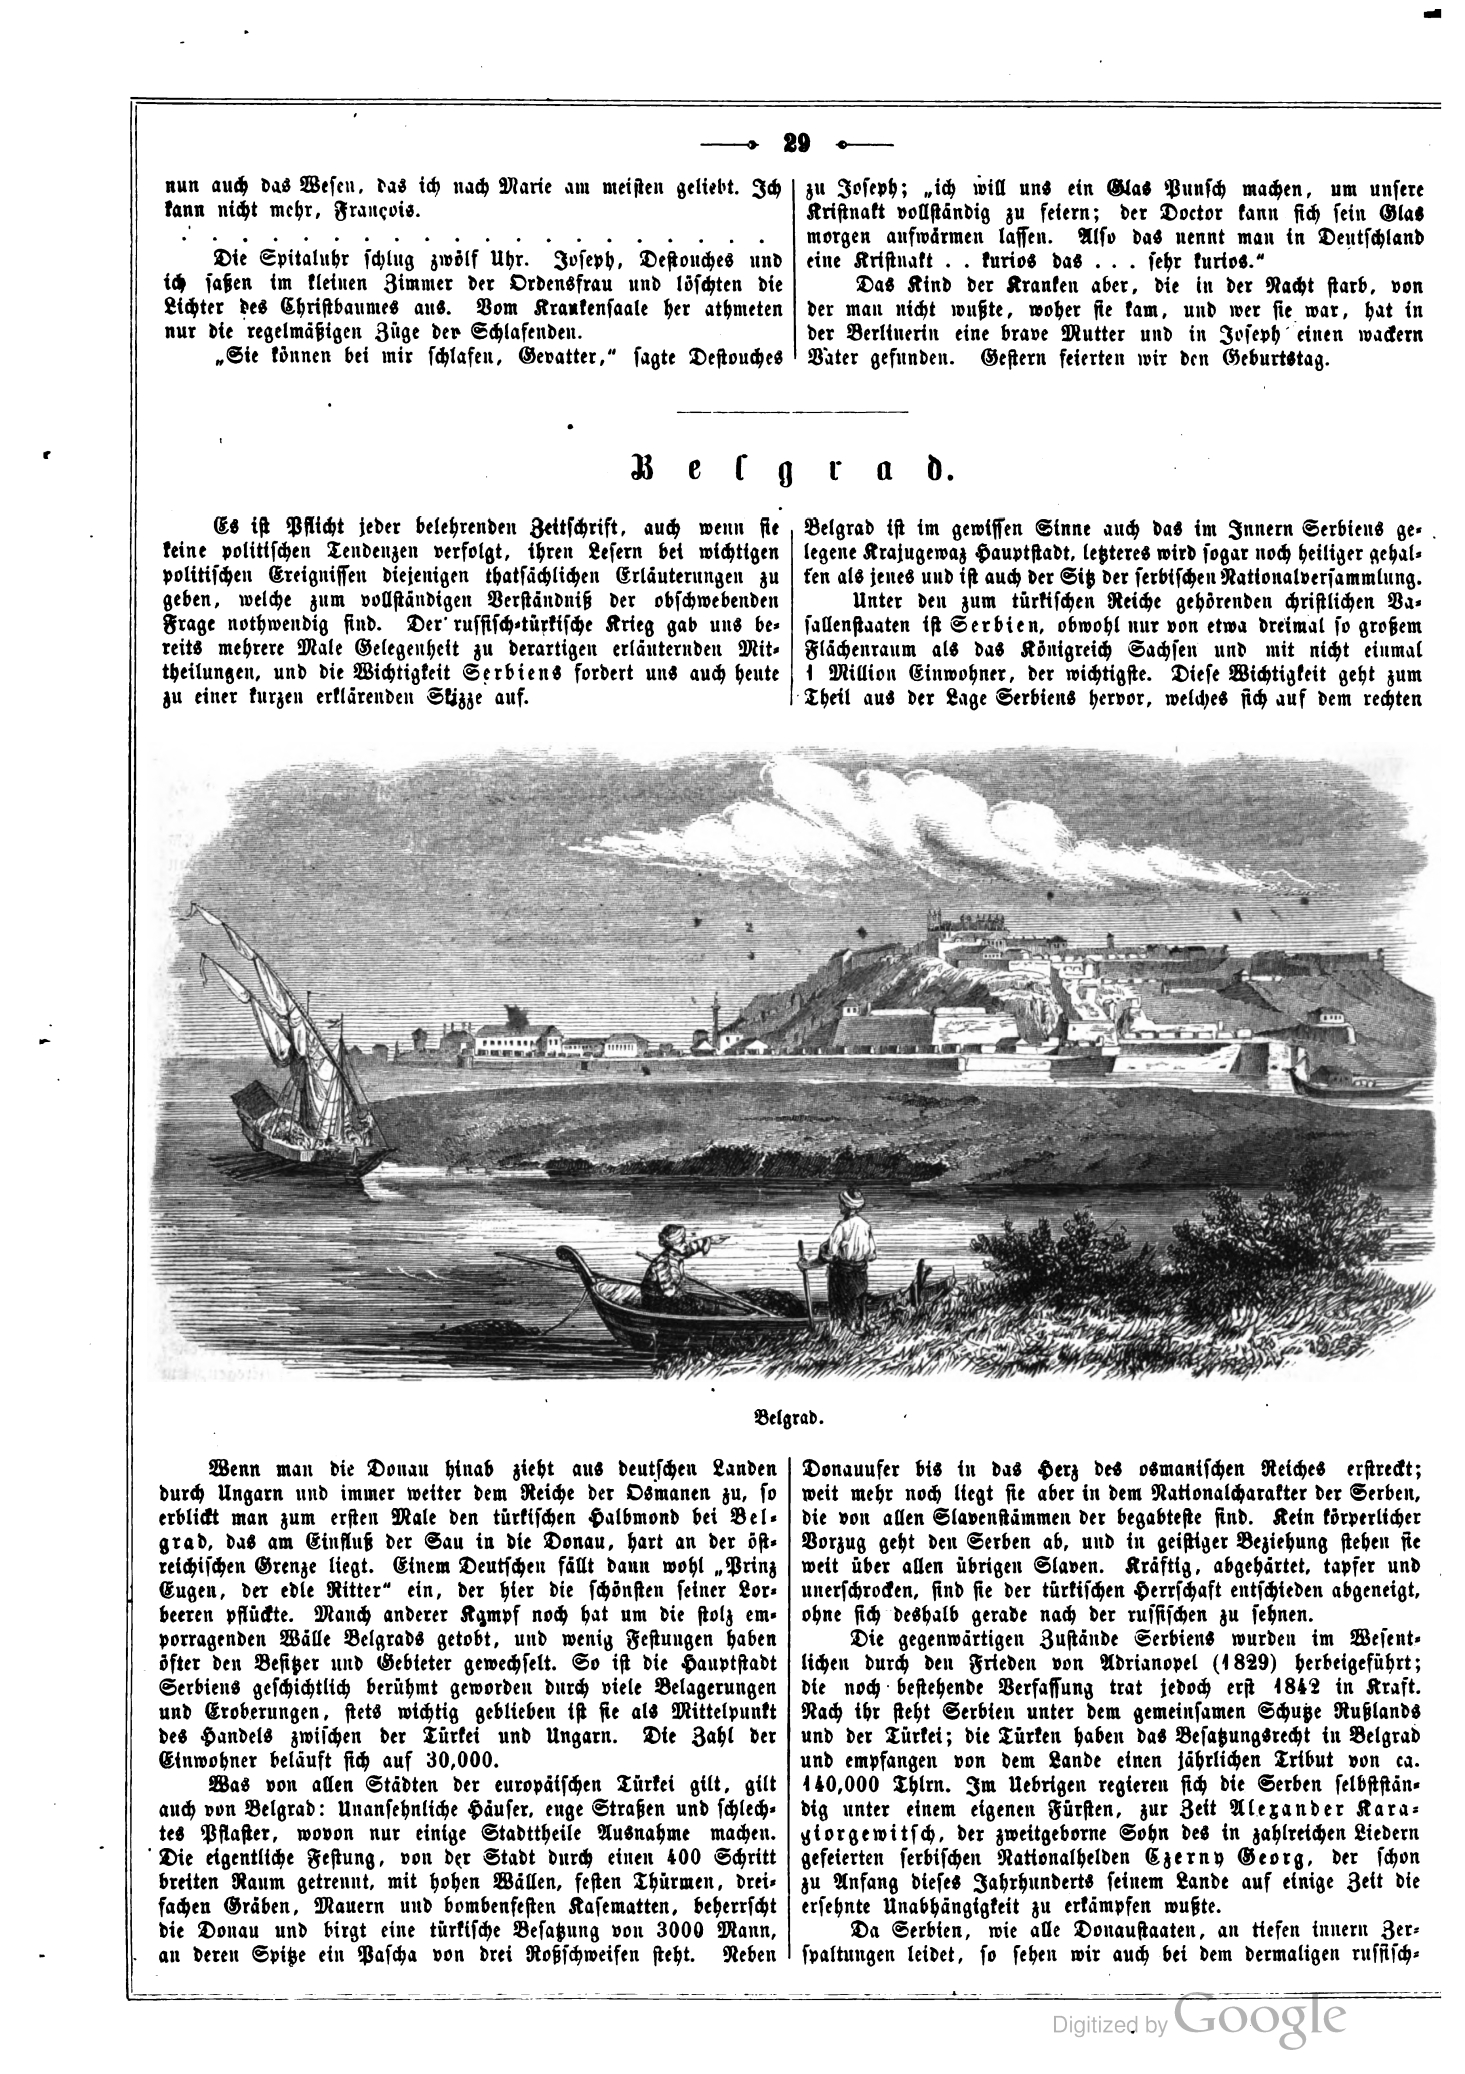nun auch das Wesen, das ich nach Marie am meisten geliebt. Ich kann nicht mehr, François.

Die Spitaluhr schlug zwölf Uhr. Joseph, Destouches und ich saßen im kleinen Zimmer der Ordensfrau und löschten die Lichter des Christbaumes aus. Vom Krankensaale her athmeten nur die regelmäßigen Züge der Schlafenden.

„Sie können bei mir schlafen, Gevatter,“ sagte Destouches zu Joseph; „ich will uns ein Glas Punsch machen, um unsere Kristnakt vollständig zu feiern; der Doctor kann sich sein Glas morgen aufwärmen lassen. Also das nennt man in Deutschland eine Kristnakt … kurios das … sehr kurios.“

Das Kind der Kranken aber, die in der Nacht starb, von der man nicht wußte, woher sie kam, und wer sie war, hat in der Berlinerin eine brave Mutter und in Joseph einen wackern Vater gefunden. Gestern feierten wir den Geburtstag.

Belgrad.

Es ist Pflicht jeder belehrenden Zeitschrift, auch wenn sie keine politischen Tendenzen verfolgt, ihren Lesern bei wichtigen politischen Ereignissen diejenigen thatsächlichen Erläuterungen zu geben, welche zum vollständigen Verständniß der obschwebenden Frage nothwendig sind. Der russisch-türkische Krieg gab uns bereits mehrere Male Gelegenheit zu derartigen erläuternden Mittheilungen, und die Wichtigkeit Serbiens fordert uns auch heute zu einer kurzen erklärenden Skizze auf.

Wenn man die Donau hinab zieht aus deutschen Landen durch Ungarn und immer weiter dem Reiche der Osmanen zu, so erblickt man zum ersten Male den türkischen Halbmond bei Belgrad, das am Einfluß der Sau in die Donau, hart an der östreichischen Grenze liegt. Einem Deutschen fällt dann wohl „Prinz Eugen, der edle Ritter“ ein, der hier die schönsten seiner Lorbeeren pflückte. Manch anderer Kampf noch hat um die stolz emporragenden Wälle Belgrads getobt, und wenig Festungen haben öfter den Besitzer und Gebieter gewechselt. So ist die Hauptstadt Serbiens geschichtlich berühmt geworden durch viele Belagerungen und Eroberungen, stets wichtig geblieben ist sie als Mittelpunkt des Handels zwischen der Türkei und Ungarn. Die Zahl der Einwohner beläuft sich auf 30,000.

Belgrad.

Was von allen Städten der europäischen Türkei gilt, gilt auch von Belgrad: Unansehnliche Häuser, enge Straßen und schlechtes Pflaster, wovon nur einige Stadttheile Ausnahme machen. Die eigentliche Festung, von der Stadt durch einen 400 Schritt breiten Raum getrennt, mit hohen Wällen, festen Thürmen, dreifachen Gräben, Mauern und bombenfesten Kasematten, beherrscht die Donau und birgt eine türkische Besatzung von 3000 Mann, an deren Spitze ein Pascha von drei Roßschweifen steht. Neben Belgrad ist im gewissen Sinne auch das im Innern Serbiens gelegene Krajugewaz Hauptstadt, letzteres wird sogar noch heiliger gehalten als jenes und ist auch der Sitz der serbischen Nationalversammlung.

Unter den zum türkischen Reiche gehörenden christlichen Vasallenstaaten ist Serbien, obwohl nur von etwa dreimal so großem Flächenraum als das Königreich Sachsen und mit nicht einmal 1 Million Einwohner, der wichtigste. Diese Wichtigkeit geht zum Theil aus der Lage Serbiens hervor, welches sich auf dem rechten Donauufer bis in das Herz des osmanischen Reiches erstreckt; weit mehr noch liegt sie aber in dem Nationalcharakter der Serben, die von allen Slavenstämmen der begabteste sind. Kein körperlicher Vorzug geht den Serben ab, und in geistiger Beziehung stehen sie weit über allen übrigen Slaven. Kräftig, abgehärtet, tapfer und unerschrocken, sind sie der türkischen Herrschaft entschieden abgeneigt, ohne sich deshalb gerade nach der russischen zu sehnen.

Die gegenwärtigen Zustände Serbiens wurden im Wesentlichen durch den Frieden von Adrianopel (1829) herbeigeführt; die noch bestehende Verfassung trat jedoch erst 1842 in Kraft. Nach ihr steht Serbien unter dem gemeinsamen Schutze Rußlands und der Türkei; die Türken haben das Besatzungsrecht in Belgrad und empfangen von dem Lande einen jährlichen Tribut von ca. 140,000 Thlrn. Im Uebrigen regieren sich die Serben selbstständig unter einem eigenen Fürsten, zur Zeit Alexander Karagiorgewitsch, der zweitgeborne Sohn des in zahlreichen Liedern gefeierten serbischen Nationalhelden Czerny Georg, der schon zu Anfang dieses Jahrhunderts seinem Lande auf einige Zeit die ersehnte Unabhängigkeit zu erkämpfen wußte.

Da Serbien, wie alle Donaustaaten, an tiefen innern Zerspaltungen leidet, so sehen wir auch bei dem dermaligen russisch-türkischen
